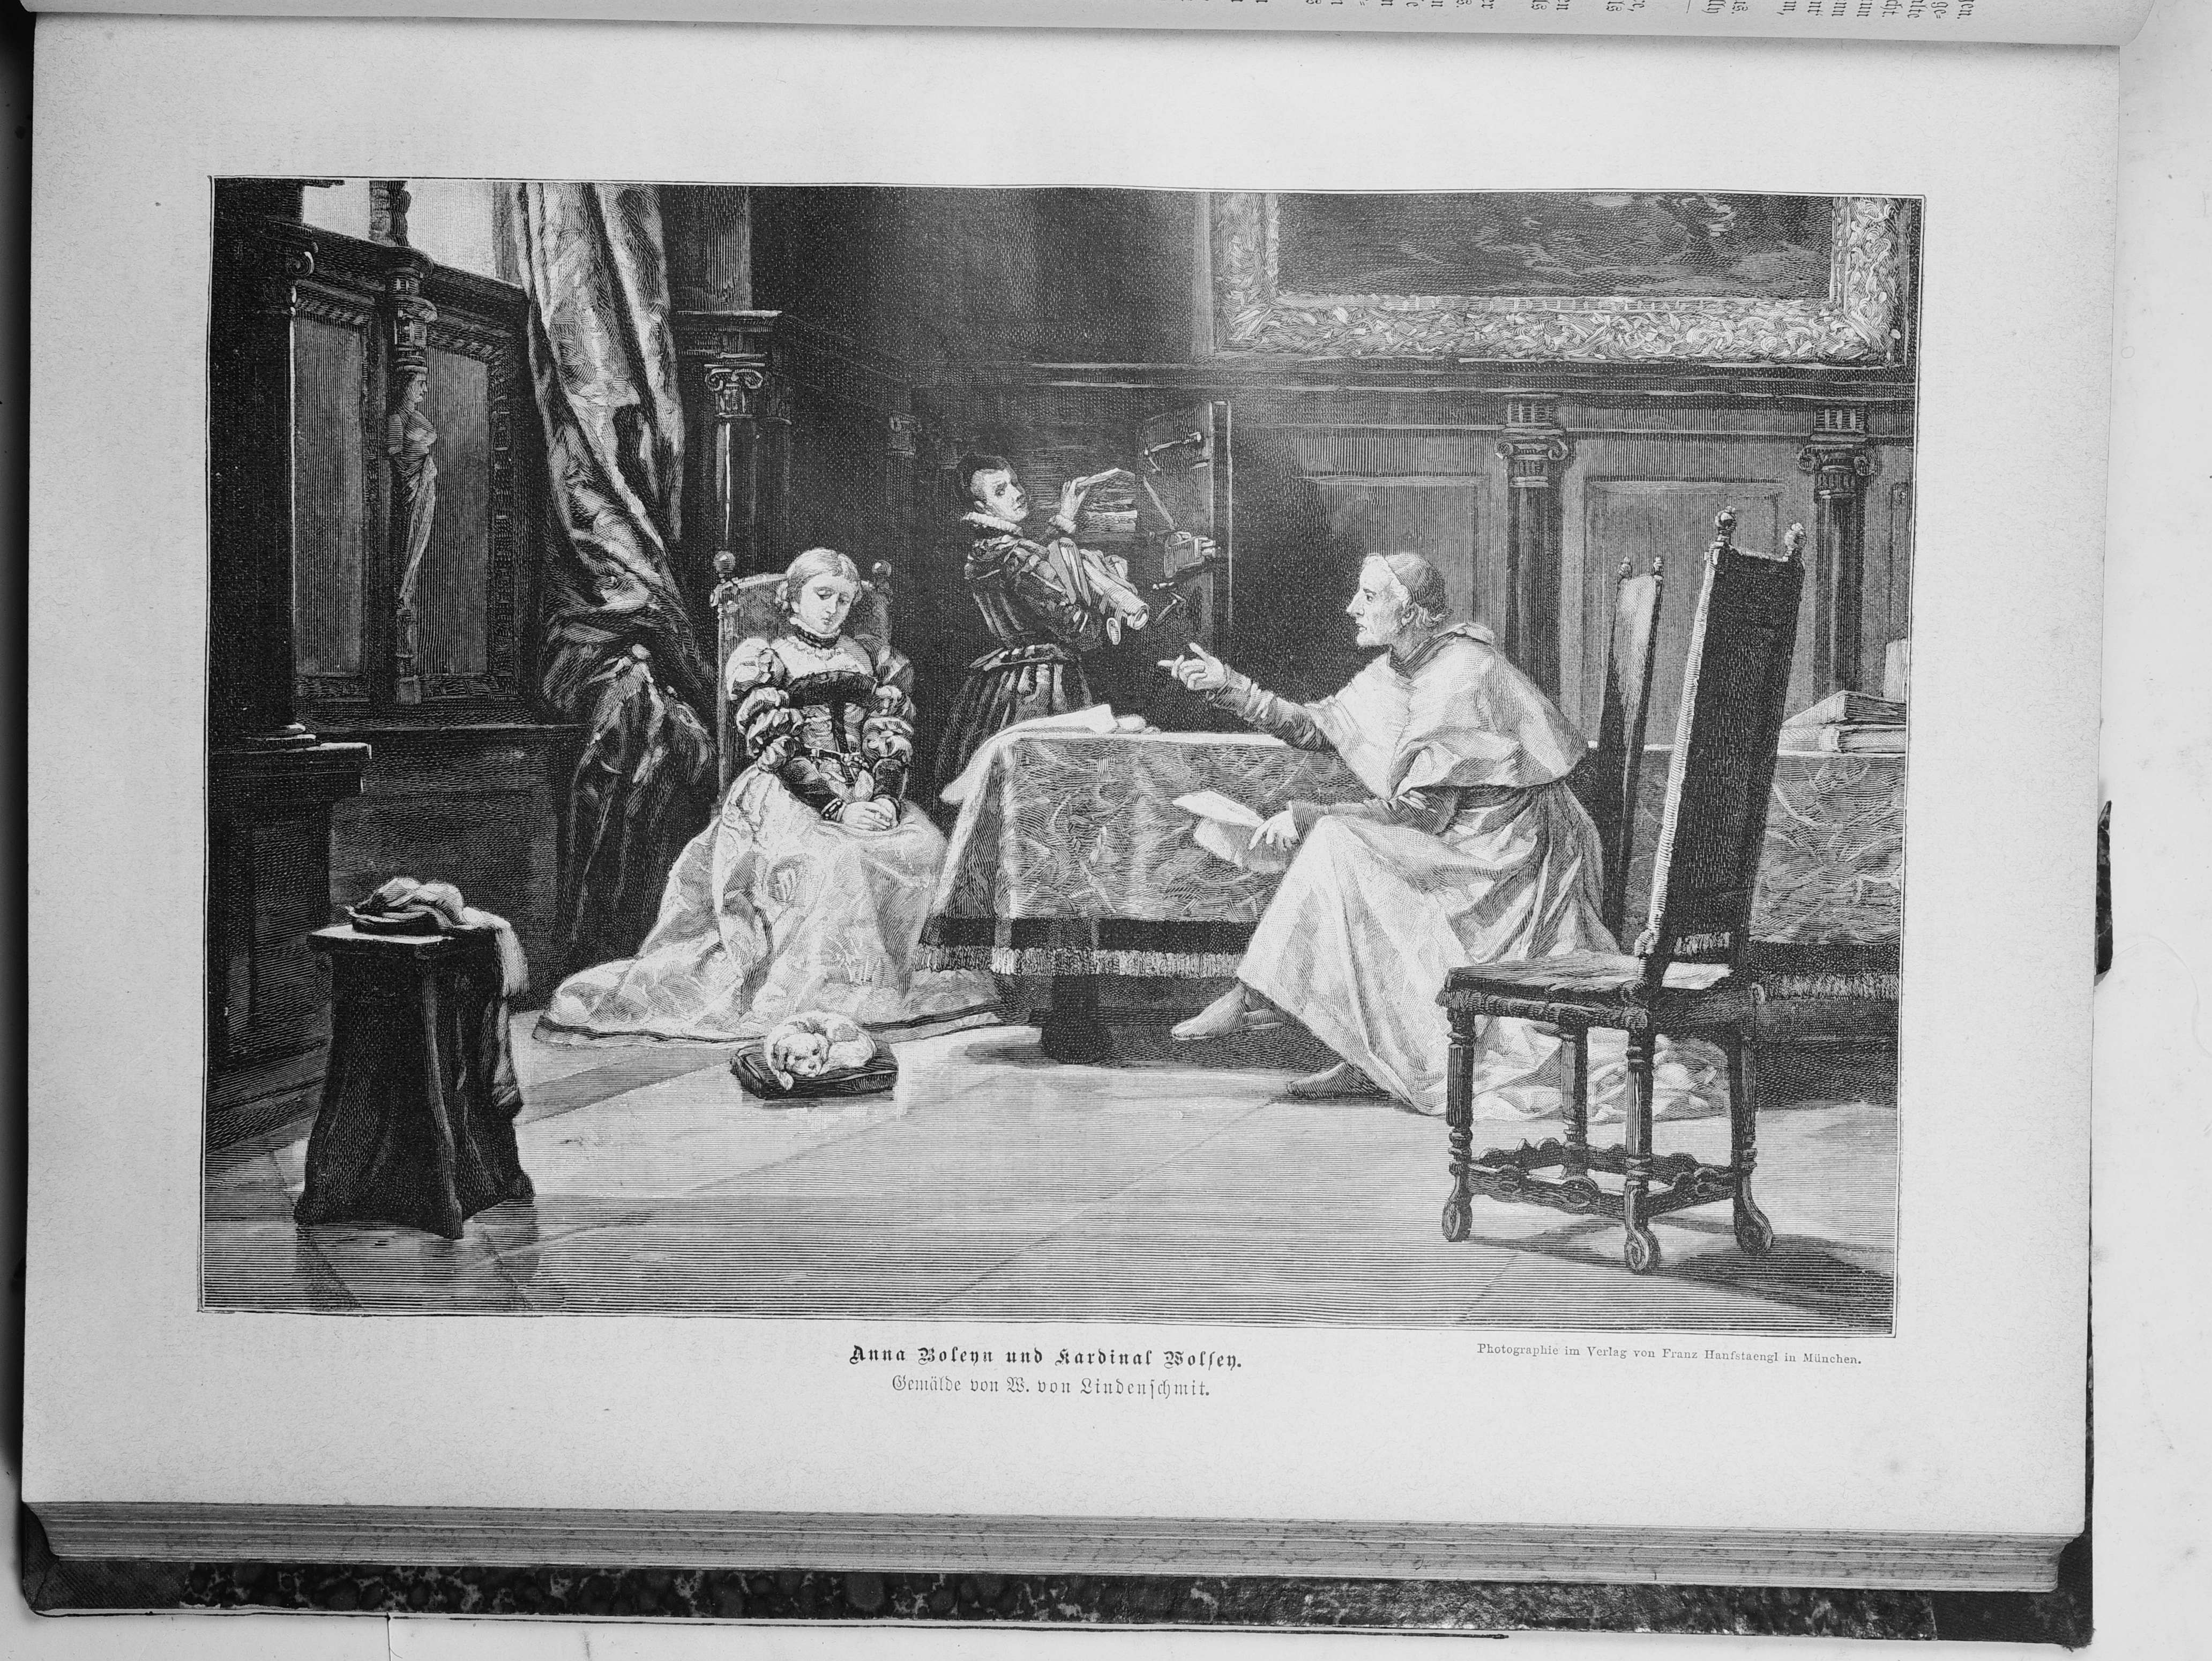Anna Boleyn und Kardinal Wolsey.
Gemälde von W. von Lindenschmit.
